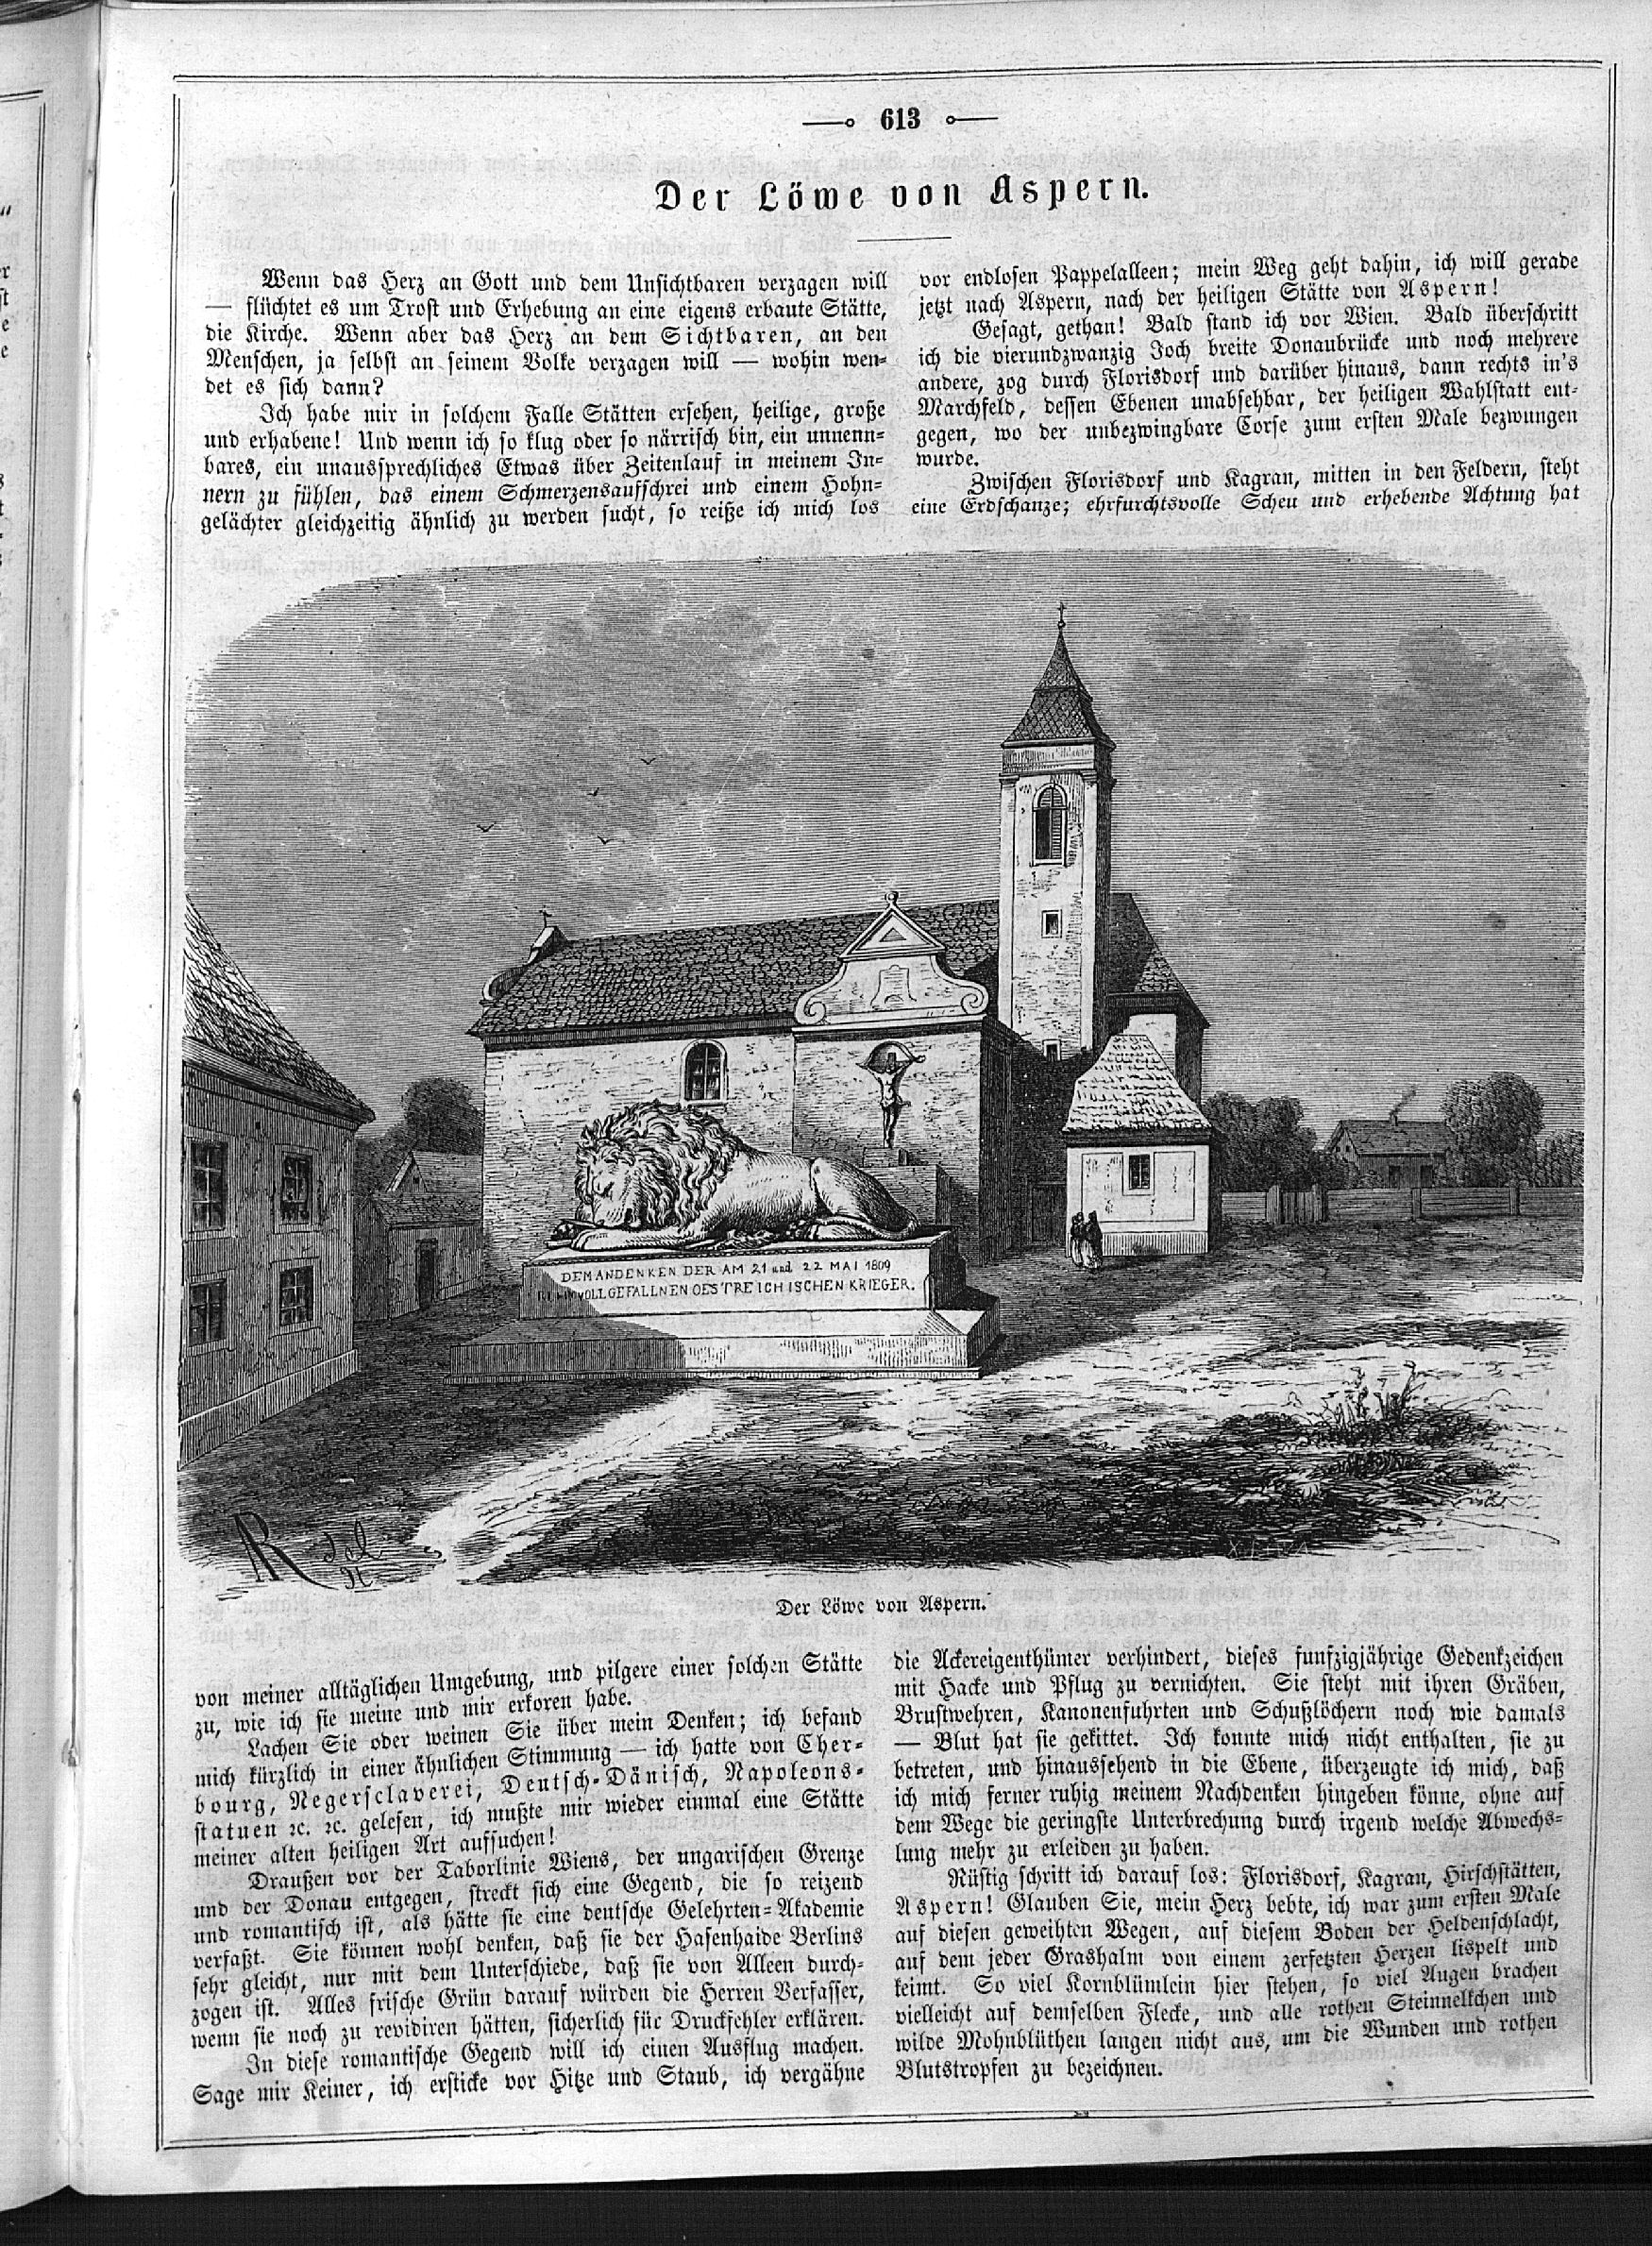Der Löwe von Aspern.

Wenn das Herz an Gott und dem Unsichtbaren verzagen will – flüchtet es um Trost und Erhebung an eine eigens erbaute Stätte, die Kirche. Wenn aber das Hert an dem Sichtbaren, an den Menschen, ja selbst an seinem Volke verzagen will – wohin wendet es sich dann?

Ich habe mir in solchem Falle Stätten ersehen, heilige, große und erhabene! Und wenn ich so klug oder so närrisch bin, ein unnennbares, ein unaussprechliches Etwas über Zeitenlauf in meinem Innern zu fühlen, das einem Schmerzensaufschrei und einem Hohngelächter gleichzeitig ähnlich zu werden sucht, so reiße ich mich los von meiner alltäglichen Umgebung, und pilgere einer solchen Stätte zu, wie ich sie meine und mir erkoren habe.

Lachen Sie oder weinen Sie über mein Denken; ich befand mich kürzlich in einer ähnlichen Stimmung – ich hatte von Cherbourg, Negersclaverei, Deutsch-Dänisch, Napoleonsstatuen etc. etc. gelesen, ich mußte mir wieder einmal eine Stätte meiner alten heiligen Art aufsuchen!

Draußen vor der Taborlinie Wiens, der ungarischen Grenze und der Donau entgegen, streckt sich eine Gegend, die so reizend und romantisch ist, als hätte sie eine deutsche Gelehrten-Akademie verfaßt. Sie können wohl denken, daß sie der Hasenhaide Berlins sehr gleicht, nur mit dem Unterschiede, daß sie von Alleen durchzogen ist. Alles frische Grün darauf würden die Herren Verfasser, wenn sie noch zu revidiren hätten, sicherlich für Druckfehler erklären.

Der Löwe von Aspern.

In diese romantische Gegend will ich einen Ausflug machen. Sage mir Keiner, ich ersticke vor der Hitze und Staub, ich vergähne vor endlosen Pappelalleen; mein Weg geht dahin, ich will gerade jetzt nach Aspern, nach der heiligen Stätte von Aspern!

Gesagt, gethan! Bald stand ich vor Wien. Bald überschritt ich die vierundzwanzig Joch breite Donaubrücke und noch mehrere andere, zog durch Florisdorf und darüber hinaus, dann rechts in’s Marchfeld, dessen Ebenen unabsehbar, der heiligen Wahlstatt entgegen, wo der unbezwingbare Corse zum ersten Male bezwungen wurde.

Zwischen Florisdorf und Kagran, mitten in den Feldern, steht eine Erdschanze; ehrfurchtsvolle Scheu und erhebende Achtung hat die Ackereigenthümer verhindert, dieses funfzigjährige Gedenkzeichen mit Hacke und Pflug zu vernichten. Sie steht mit ihren Gräben, Brustwehren, Kanonenfuhrten und Schußlöchern noch wie damals – Blut hat sie gekittet. Ich konnte mich nicht enthalten, sie zu betreten, und hinaussehend in die Ebene, überzeugte ich mich, daß ich mich ferner ruhig meinem Nachdenken hingeben könne, ohne auf dem Wege die geringste Unterbrechung durch irgend welche Abwechslung mehr zu erleiden zu haben.

Rüstig schritt ich darauf los: Florisdorf, Kagran, Hirschstätten, Aspern! Glauben Sie, mein Herz bebte, ich war zum ersten Male auf diesen geweihten Wegen, auf diesem Boden der Heldenschlacht, auf dem jeder Grashalm von einem zerfetzten Herzen lispelt und keimt. So viel Kornblümlein hier stehen, so viel Augen brachen vielleicht auf demselben Flecke, und alle rothen Steinnelkchen und wilde Mohnblüthen langen nicht aus, um die Wunden und rothen Blutstropfen zu bezeichnen.
